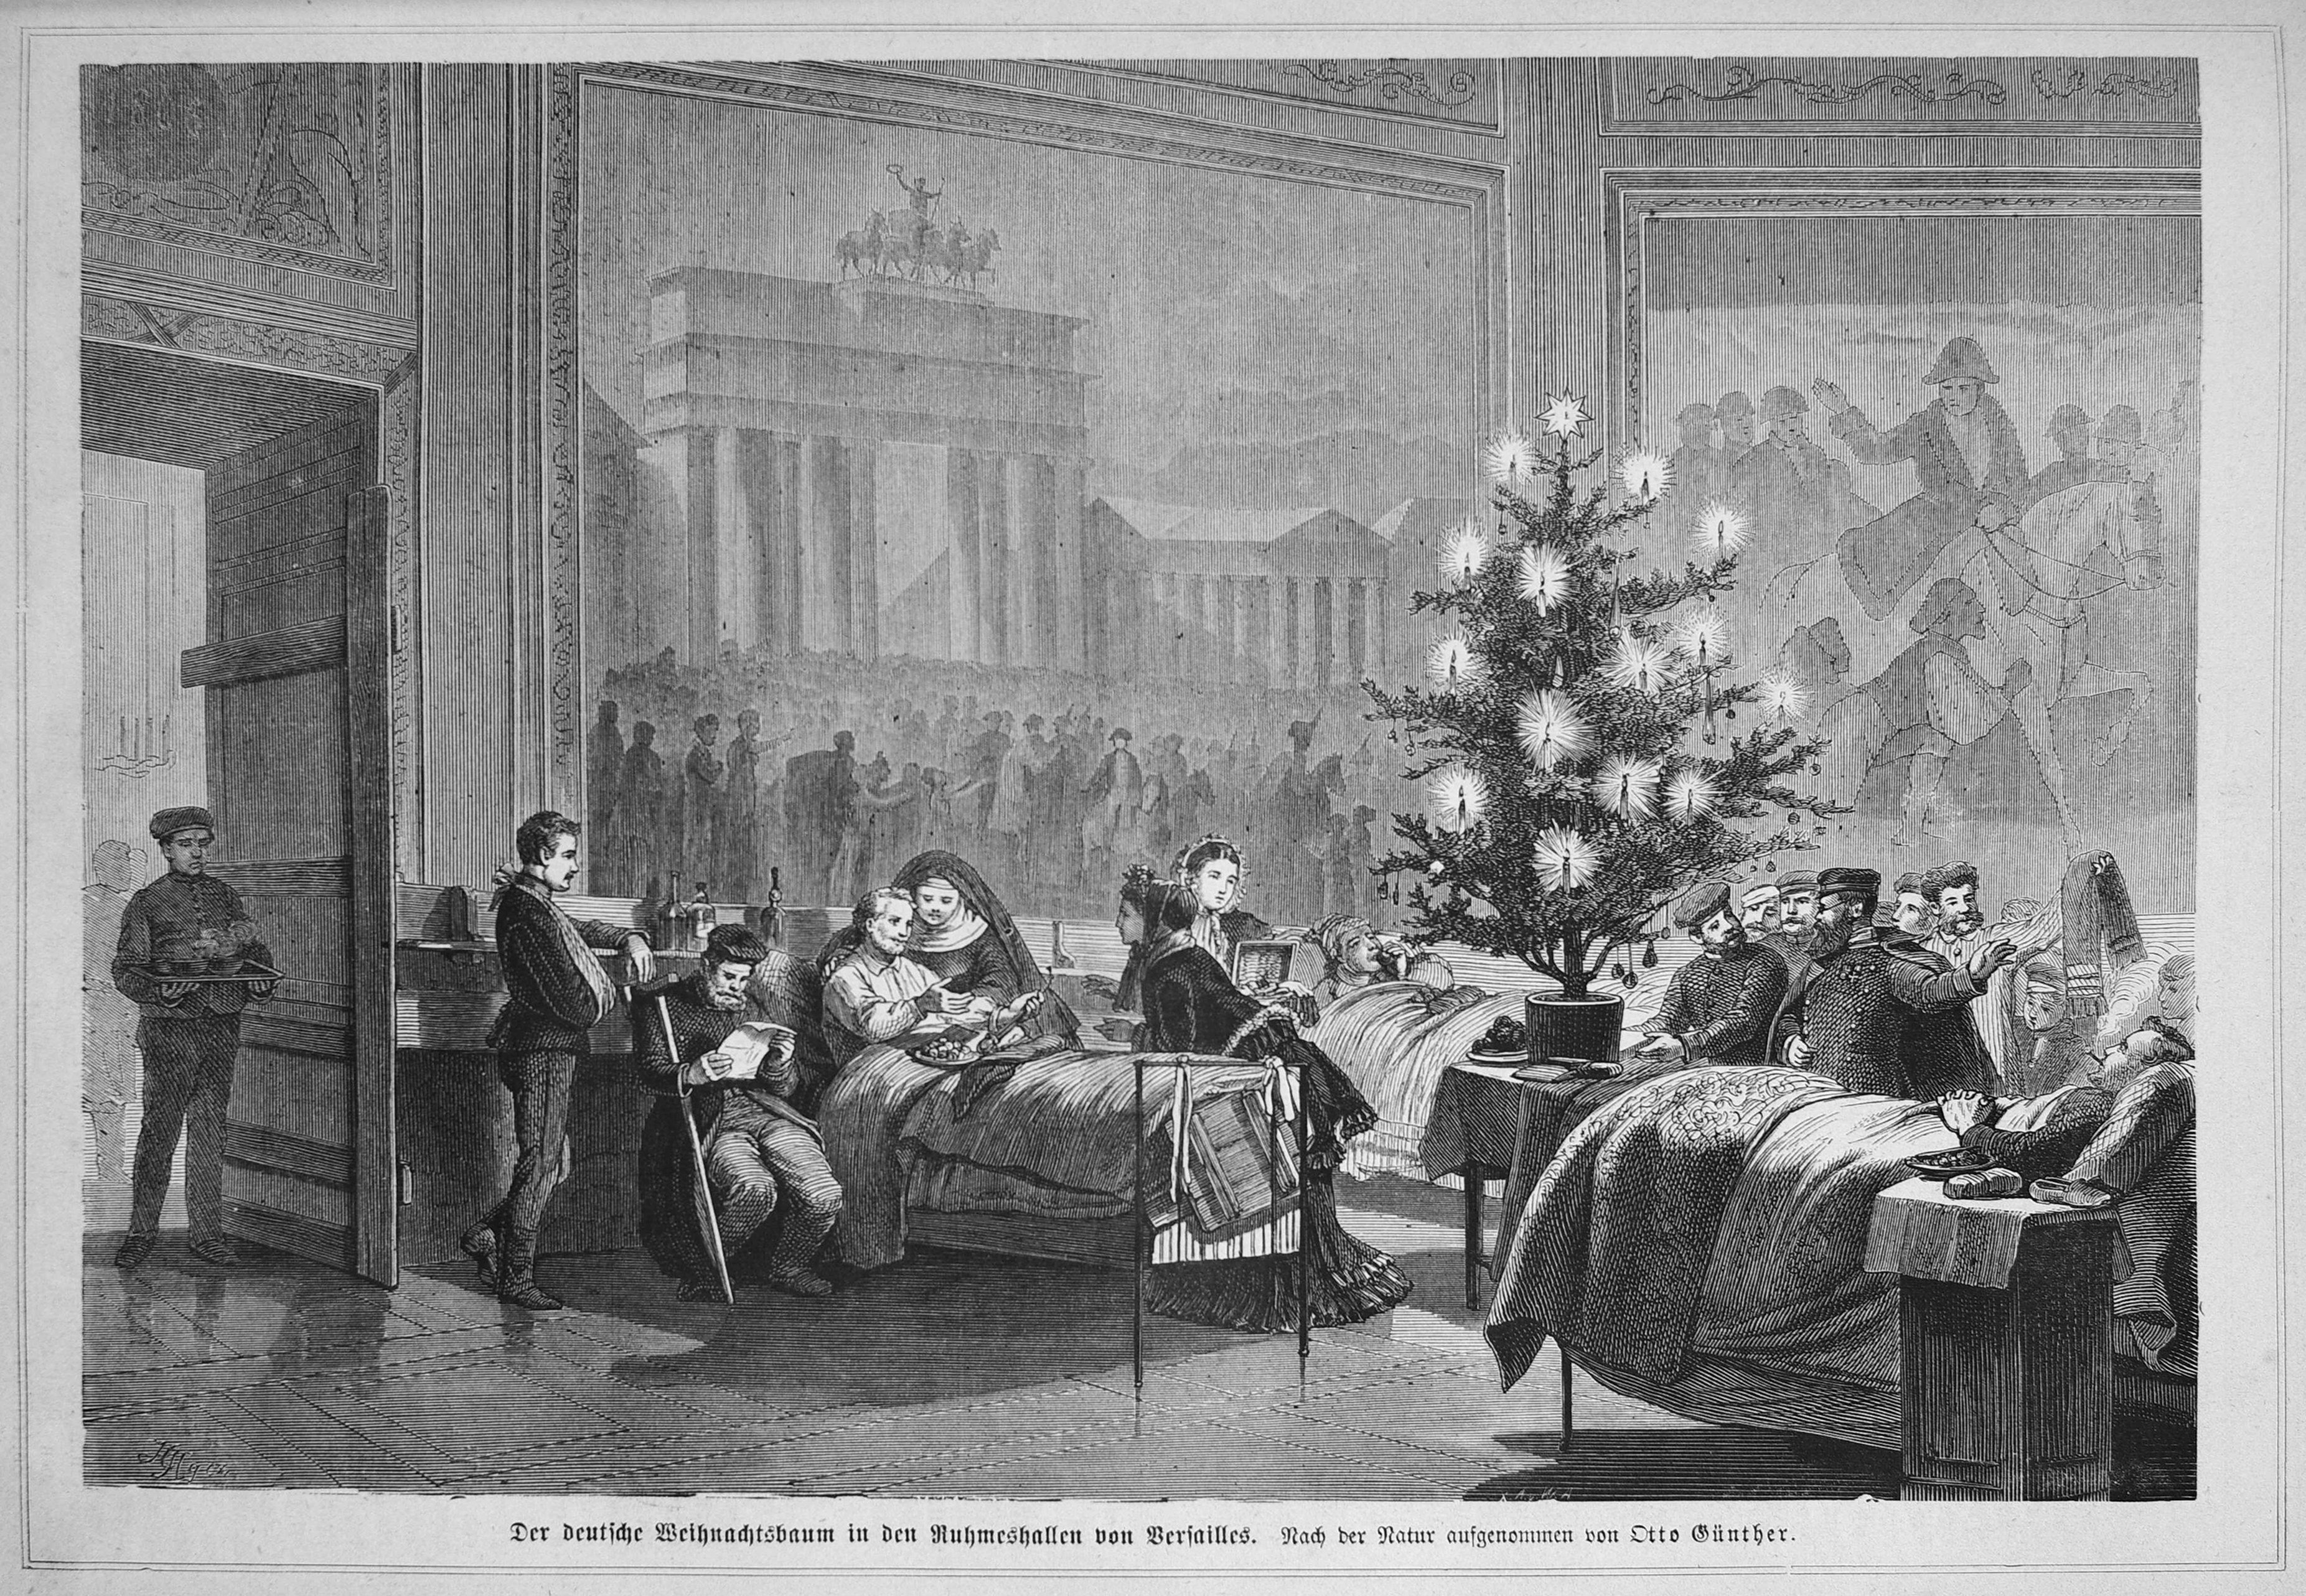Der deutsche Weihnachtsbaum in den Ruhmeshallen von Versailles. Nach der Natur aufgenommen von Otto Günther.
